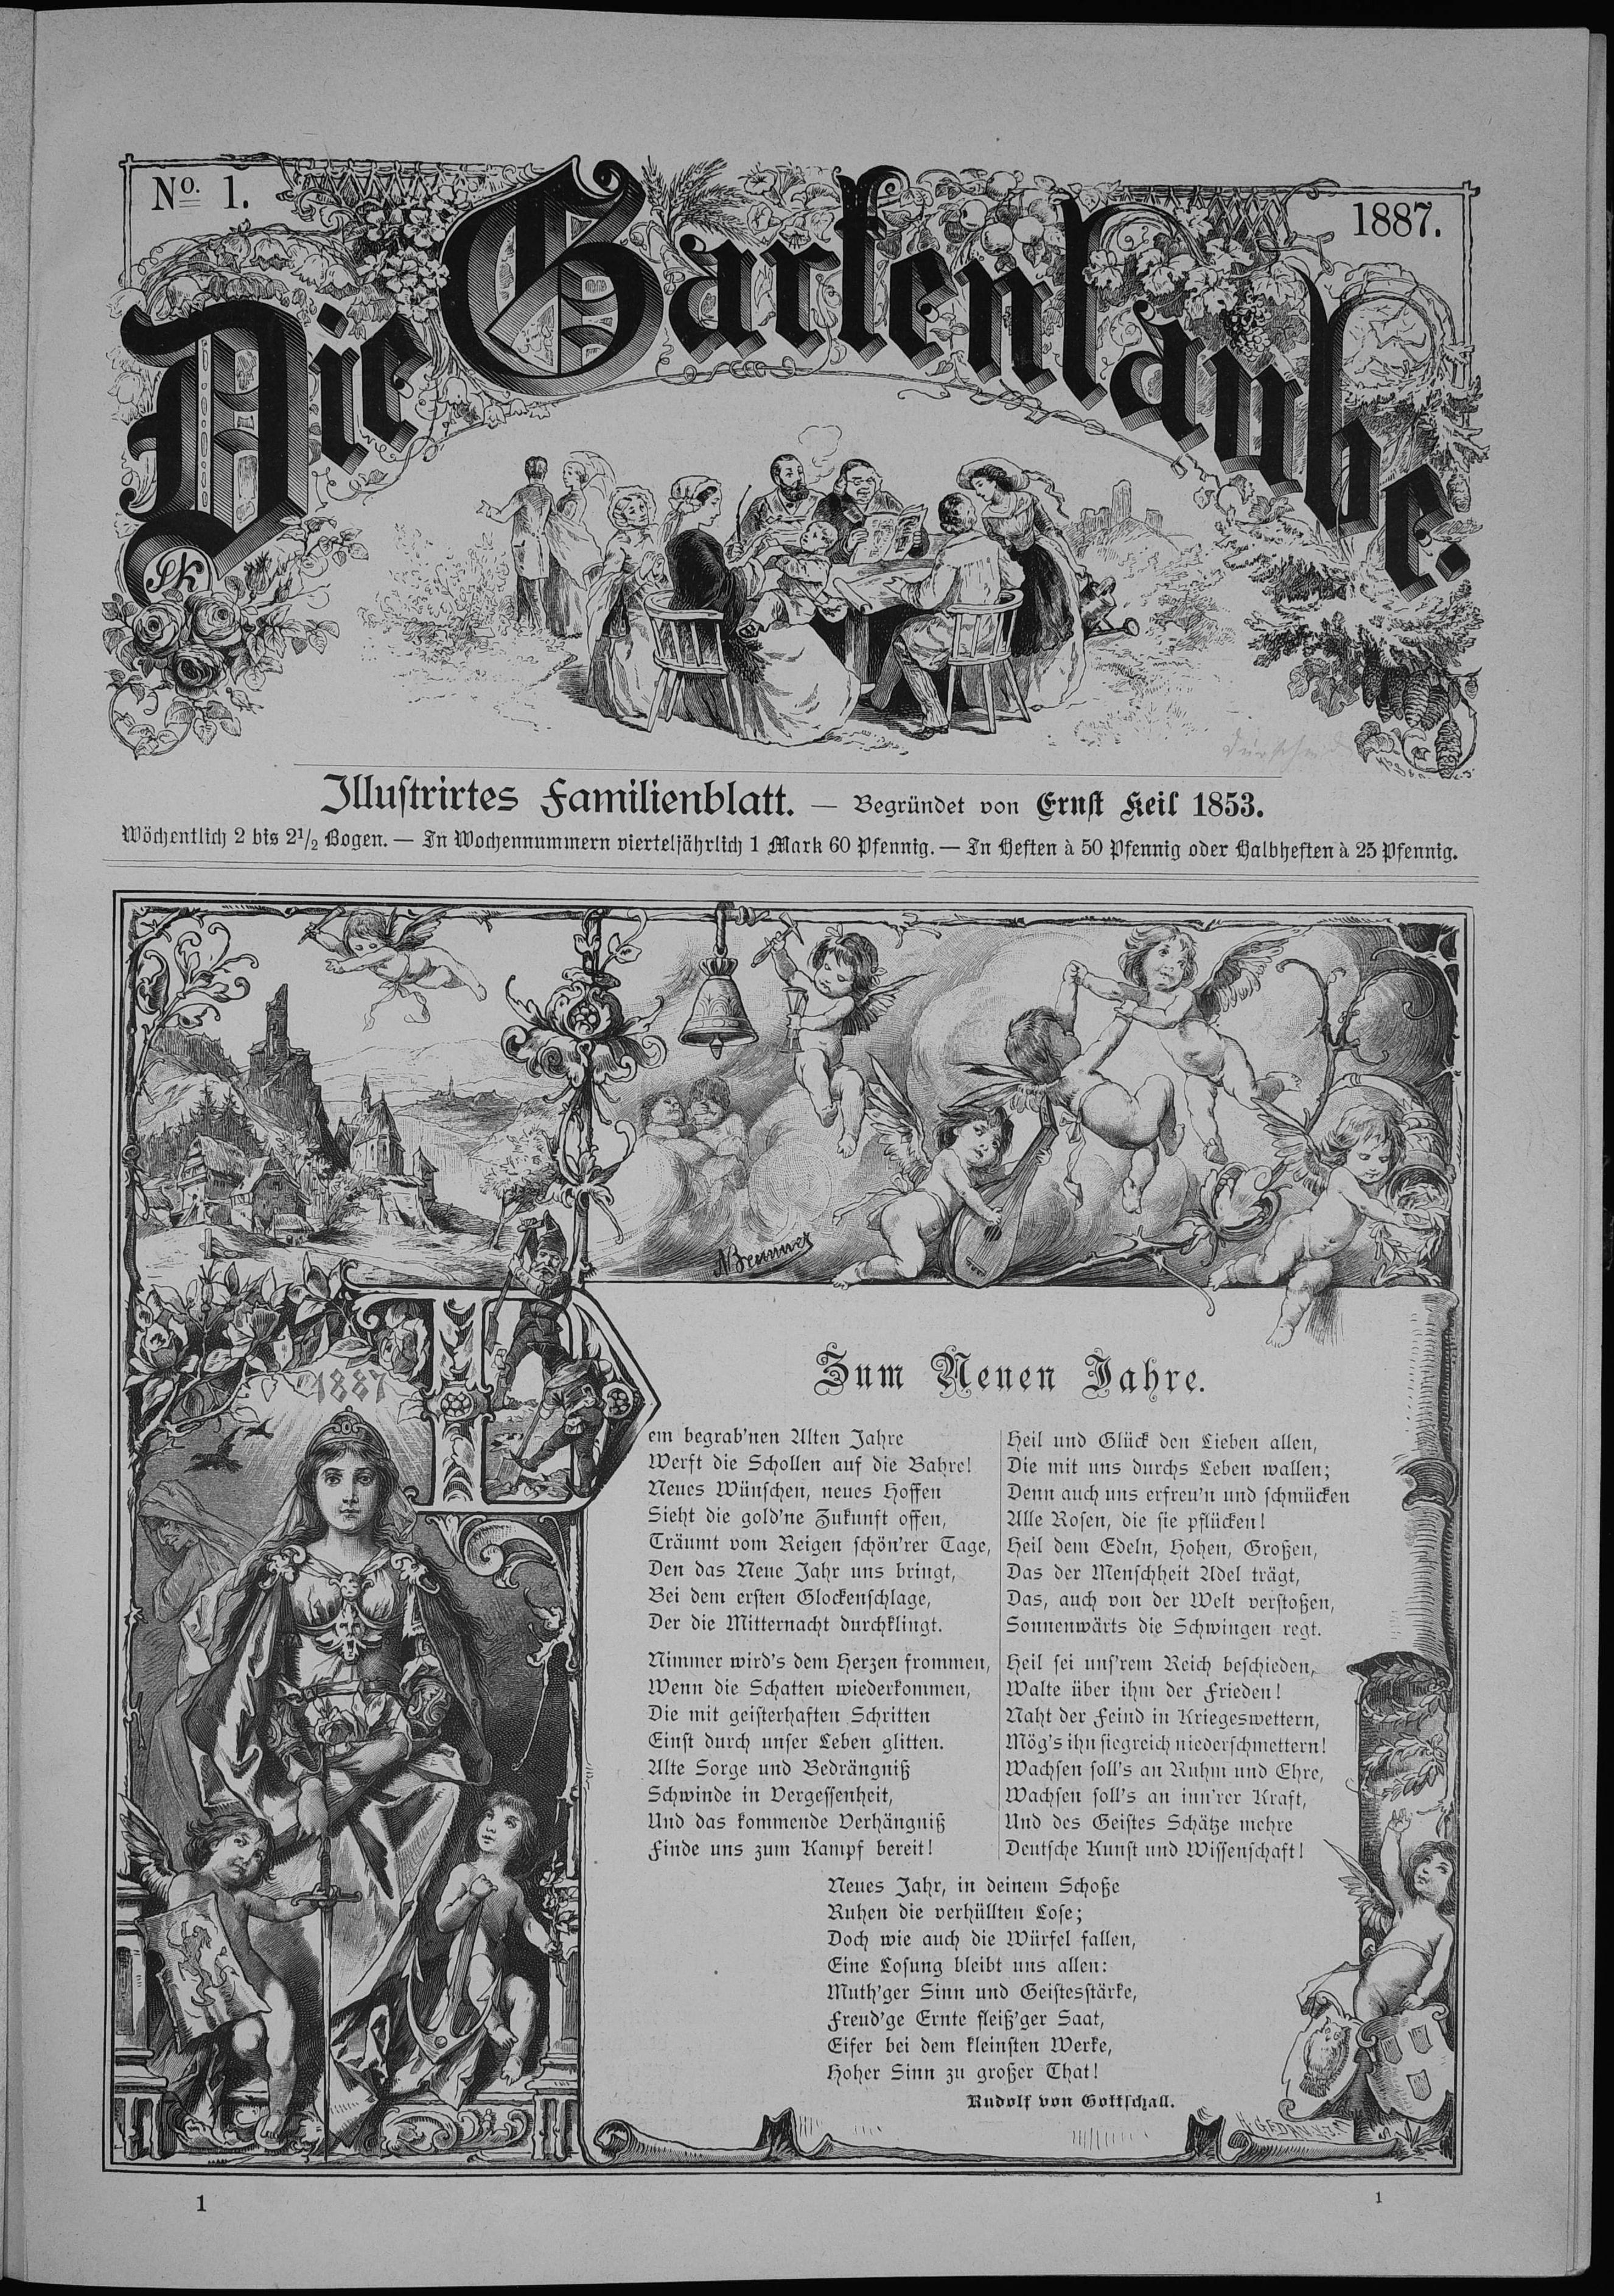No. 1. 1887.
Die Gartenlaube.

Illustrirtes Familienblatt. — Begründet von Ernst Keil 1853.

Wöchentlich 2 bis 2½ Bogen. — In Wochennummern vierteljährlich 1 Mark 60 Pfennig. — In Heften à 50 Pfennig oder Halbheften à 25 Pfennig.

Zum Neuen Jahre.

Dem begrab’nen Alten Jahre
Werft die Schollen auf die Bahre!
Neues Wünschen, neues Hoffen
Sieht die gold’ne Zukunft offen,
Träumt vom Reigen schön’rer Tage,
Den das Neue Jahr uns bringt,
Bei dem ersten Glockenschlage,
Der die Mitternacht durchklingt.

Nimmer wird’s dem Herzen frommen,
Wenn die Schatten wiederkommen,
Die mit geisterhaften Schritten
Einst durch unser Leben glitten.
Alte Sorge und Bedrängniß
Schwinde in Vergessenheit,
Und das kommende Verhängniß
Finde uns zum Kampf bereit!

Heil und Glück den Lieben allen,
Die mit uns durchs Leben wallen;
Denn auch uns erfreu’n und schmücken
Alle Rosen, die sie pflücken!
Heil dem Edeln, Hohen, Großen,
Das der Menschheit Adel trägt,
Das, auch von der Welt verstoßen,
Sonnenwärts die Schwingen regt.

Heil sei uns’rem Reich beschieden,
Walte über ihm der Frieden!
Naht der Feind in Kriegeswettern,
Mög’s ihn siegreich niederschmettern!
Wachsen soll’s an Ruhm und Ehre,
Wachsen soll’s an inn’rer Kraft,
Und des Geistes Schätze mehre
Deutsche Kunst und Wissenschaft!

Neues Jahr, in deinem Schoße
Ruhen die verhüllten Lose;
Doch wie auch die Würfel fallen,
Eine Losung bleibt uns allen:
Muth’ger Sinn und Geistesstärke,
Freud’ge Ernte fleiß’ger Saat,
Eifer bei dem kleinsten Werke,
Hoher Sinn zu großer That!
Rudolf von Gottschall.
